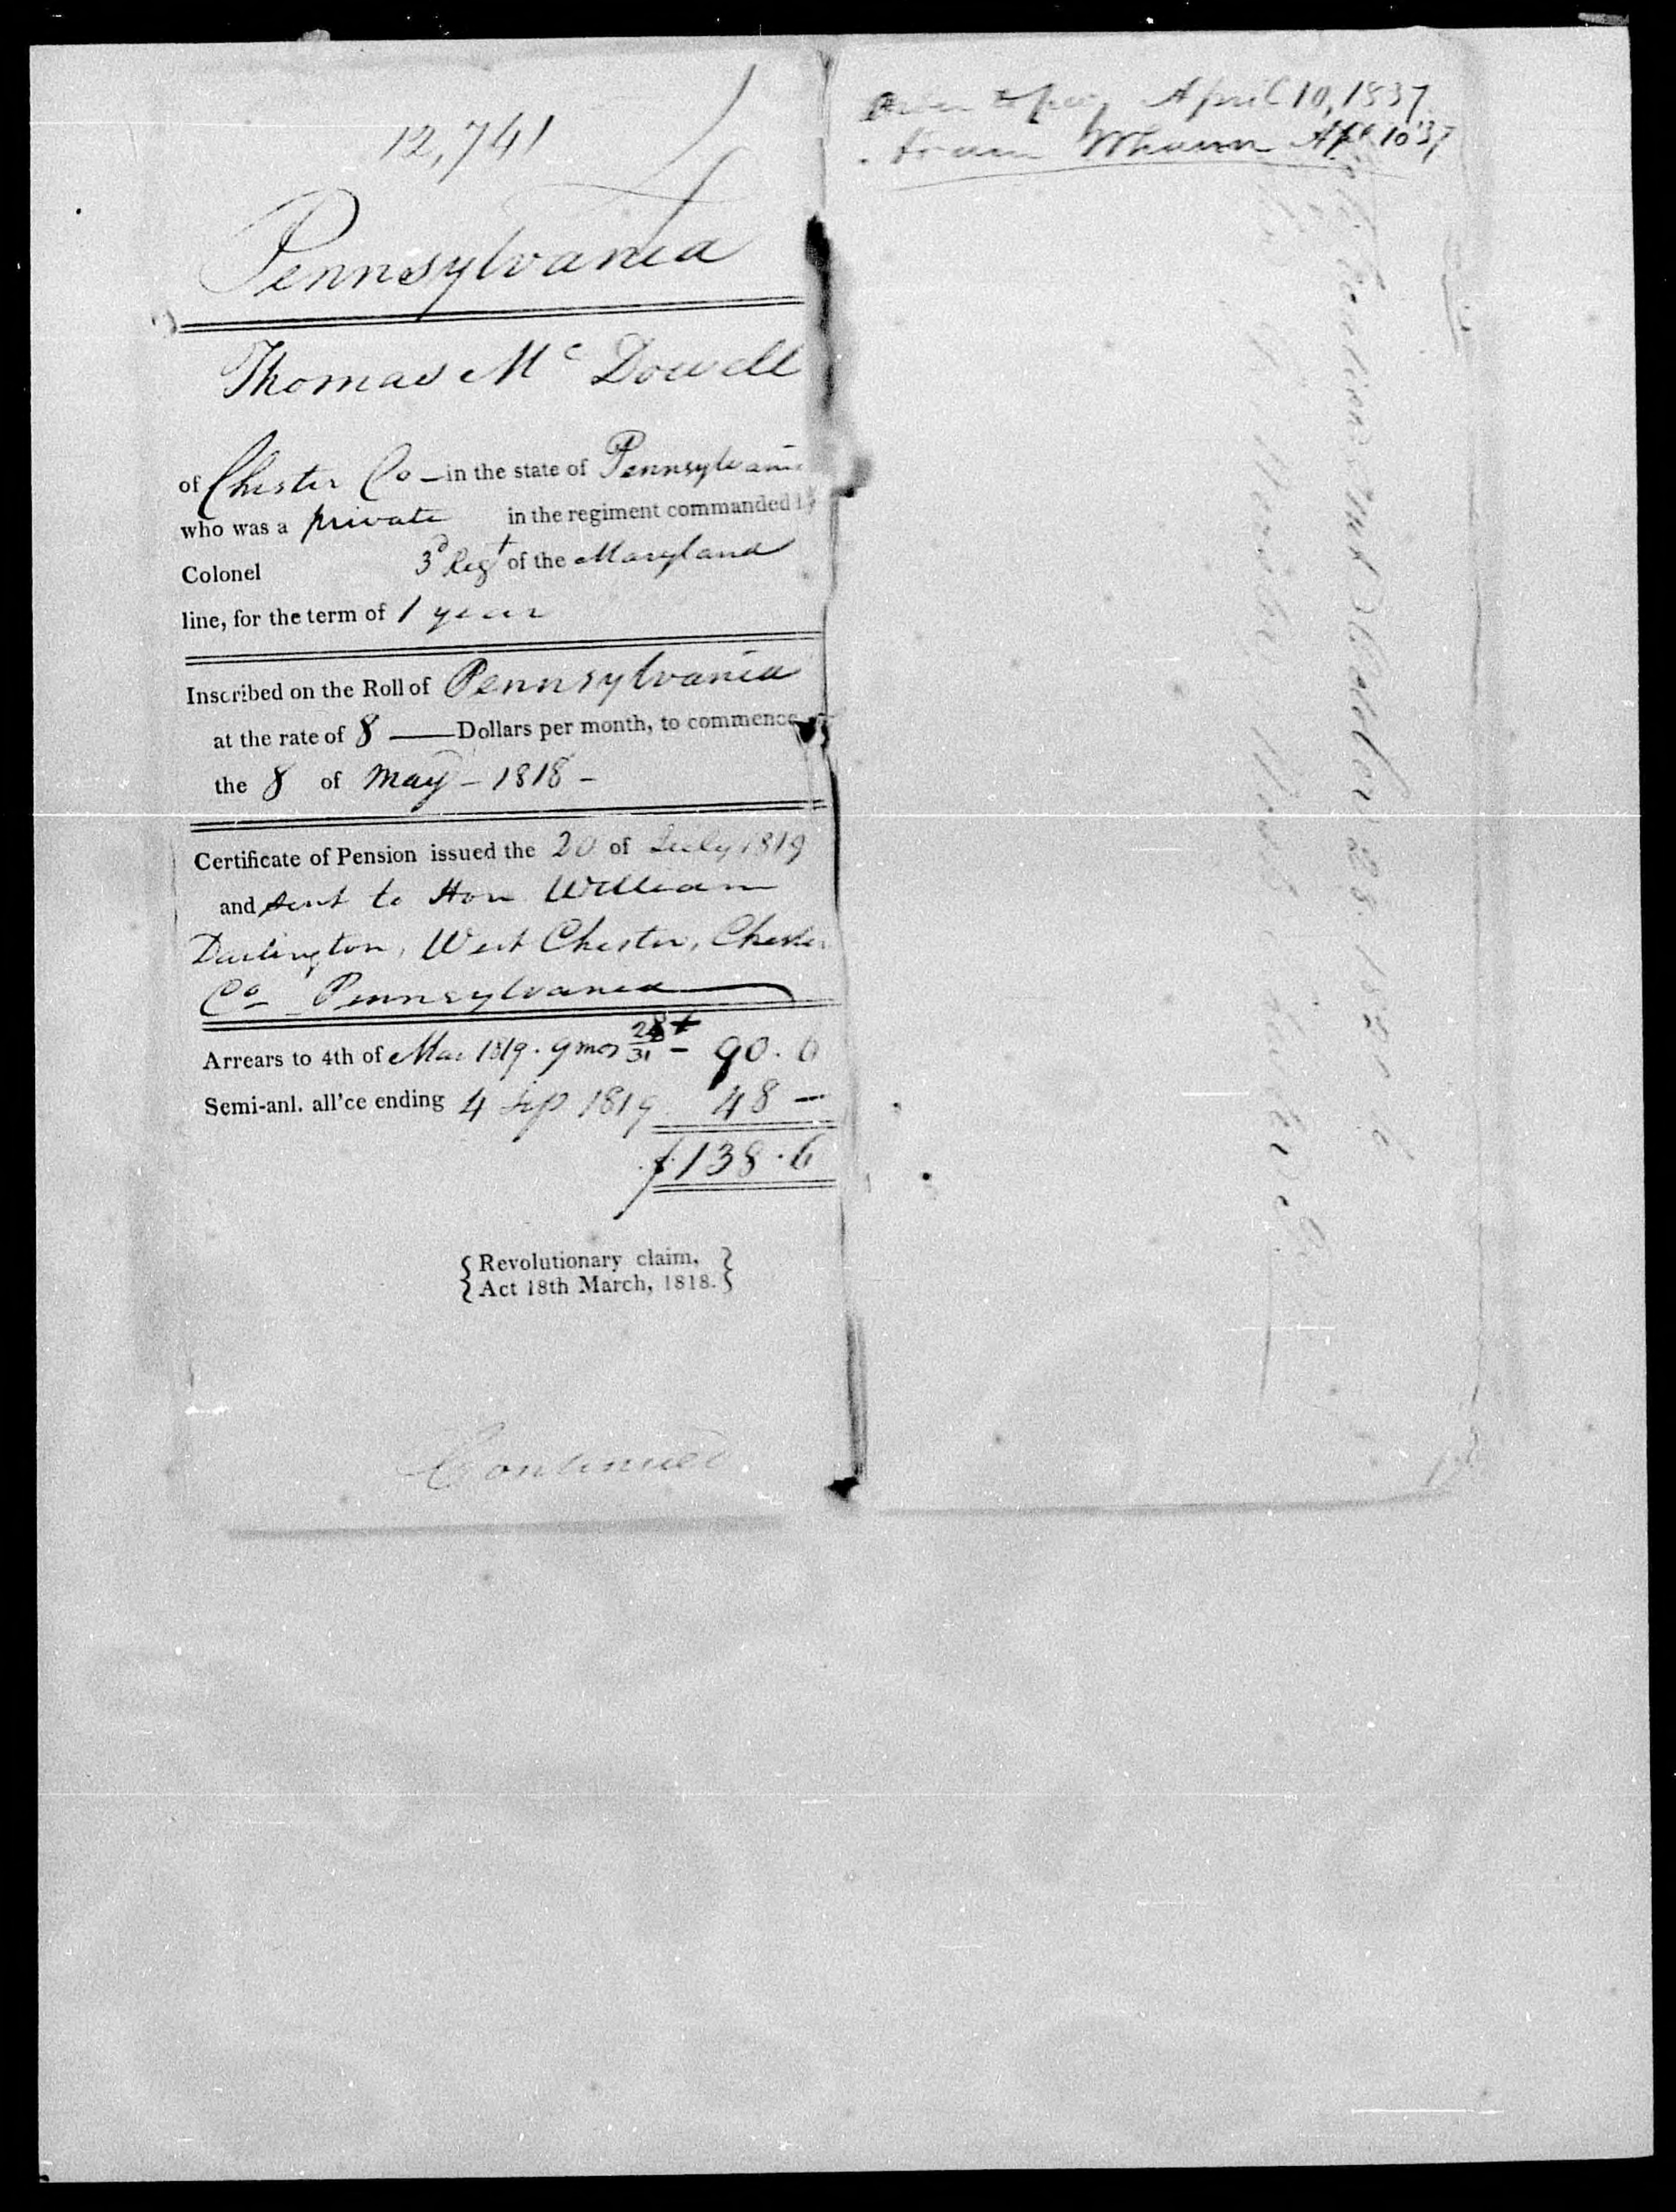Left Side Page

12741
Pennsylvania
Thomas McDowell
of Chester Co in the state of Pennsylvania
who was a private in the regiment commanded
by Colonel blank 3rd Regt of the Maryland
line for a term of 1 year.

Inscribed on the roll of Pennsylvania at the rate of 8 dollars per month to commence on the 8 of May 1818

Certificate of Pension issued the 20 of July 1819 and sent to Hon. William Darlington West Chester, Chester Co, Pennsylvania

Arrears to 4th of Mar 1819 9 mos 28/31 $90.60
Semi-anl. all'ce ending 4 Sept 1819 $48.00
$138.60

{Revolutionary Claim Act 18th March 1818

Continued

Right Side Page

[illegible] open April 10, 1837
Adam Whann Apr 1837

Application sent October 23, 1821

[illegible]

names: William Darlington; Thomas Mc Dowell; Adam Whann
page: 2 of 63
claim: widow's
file: W 2957, for Thomas Mc Dowell, Maryland